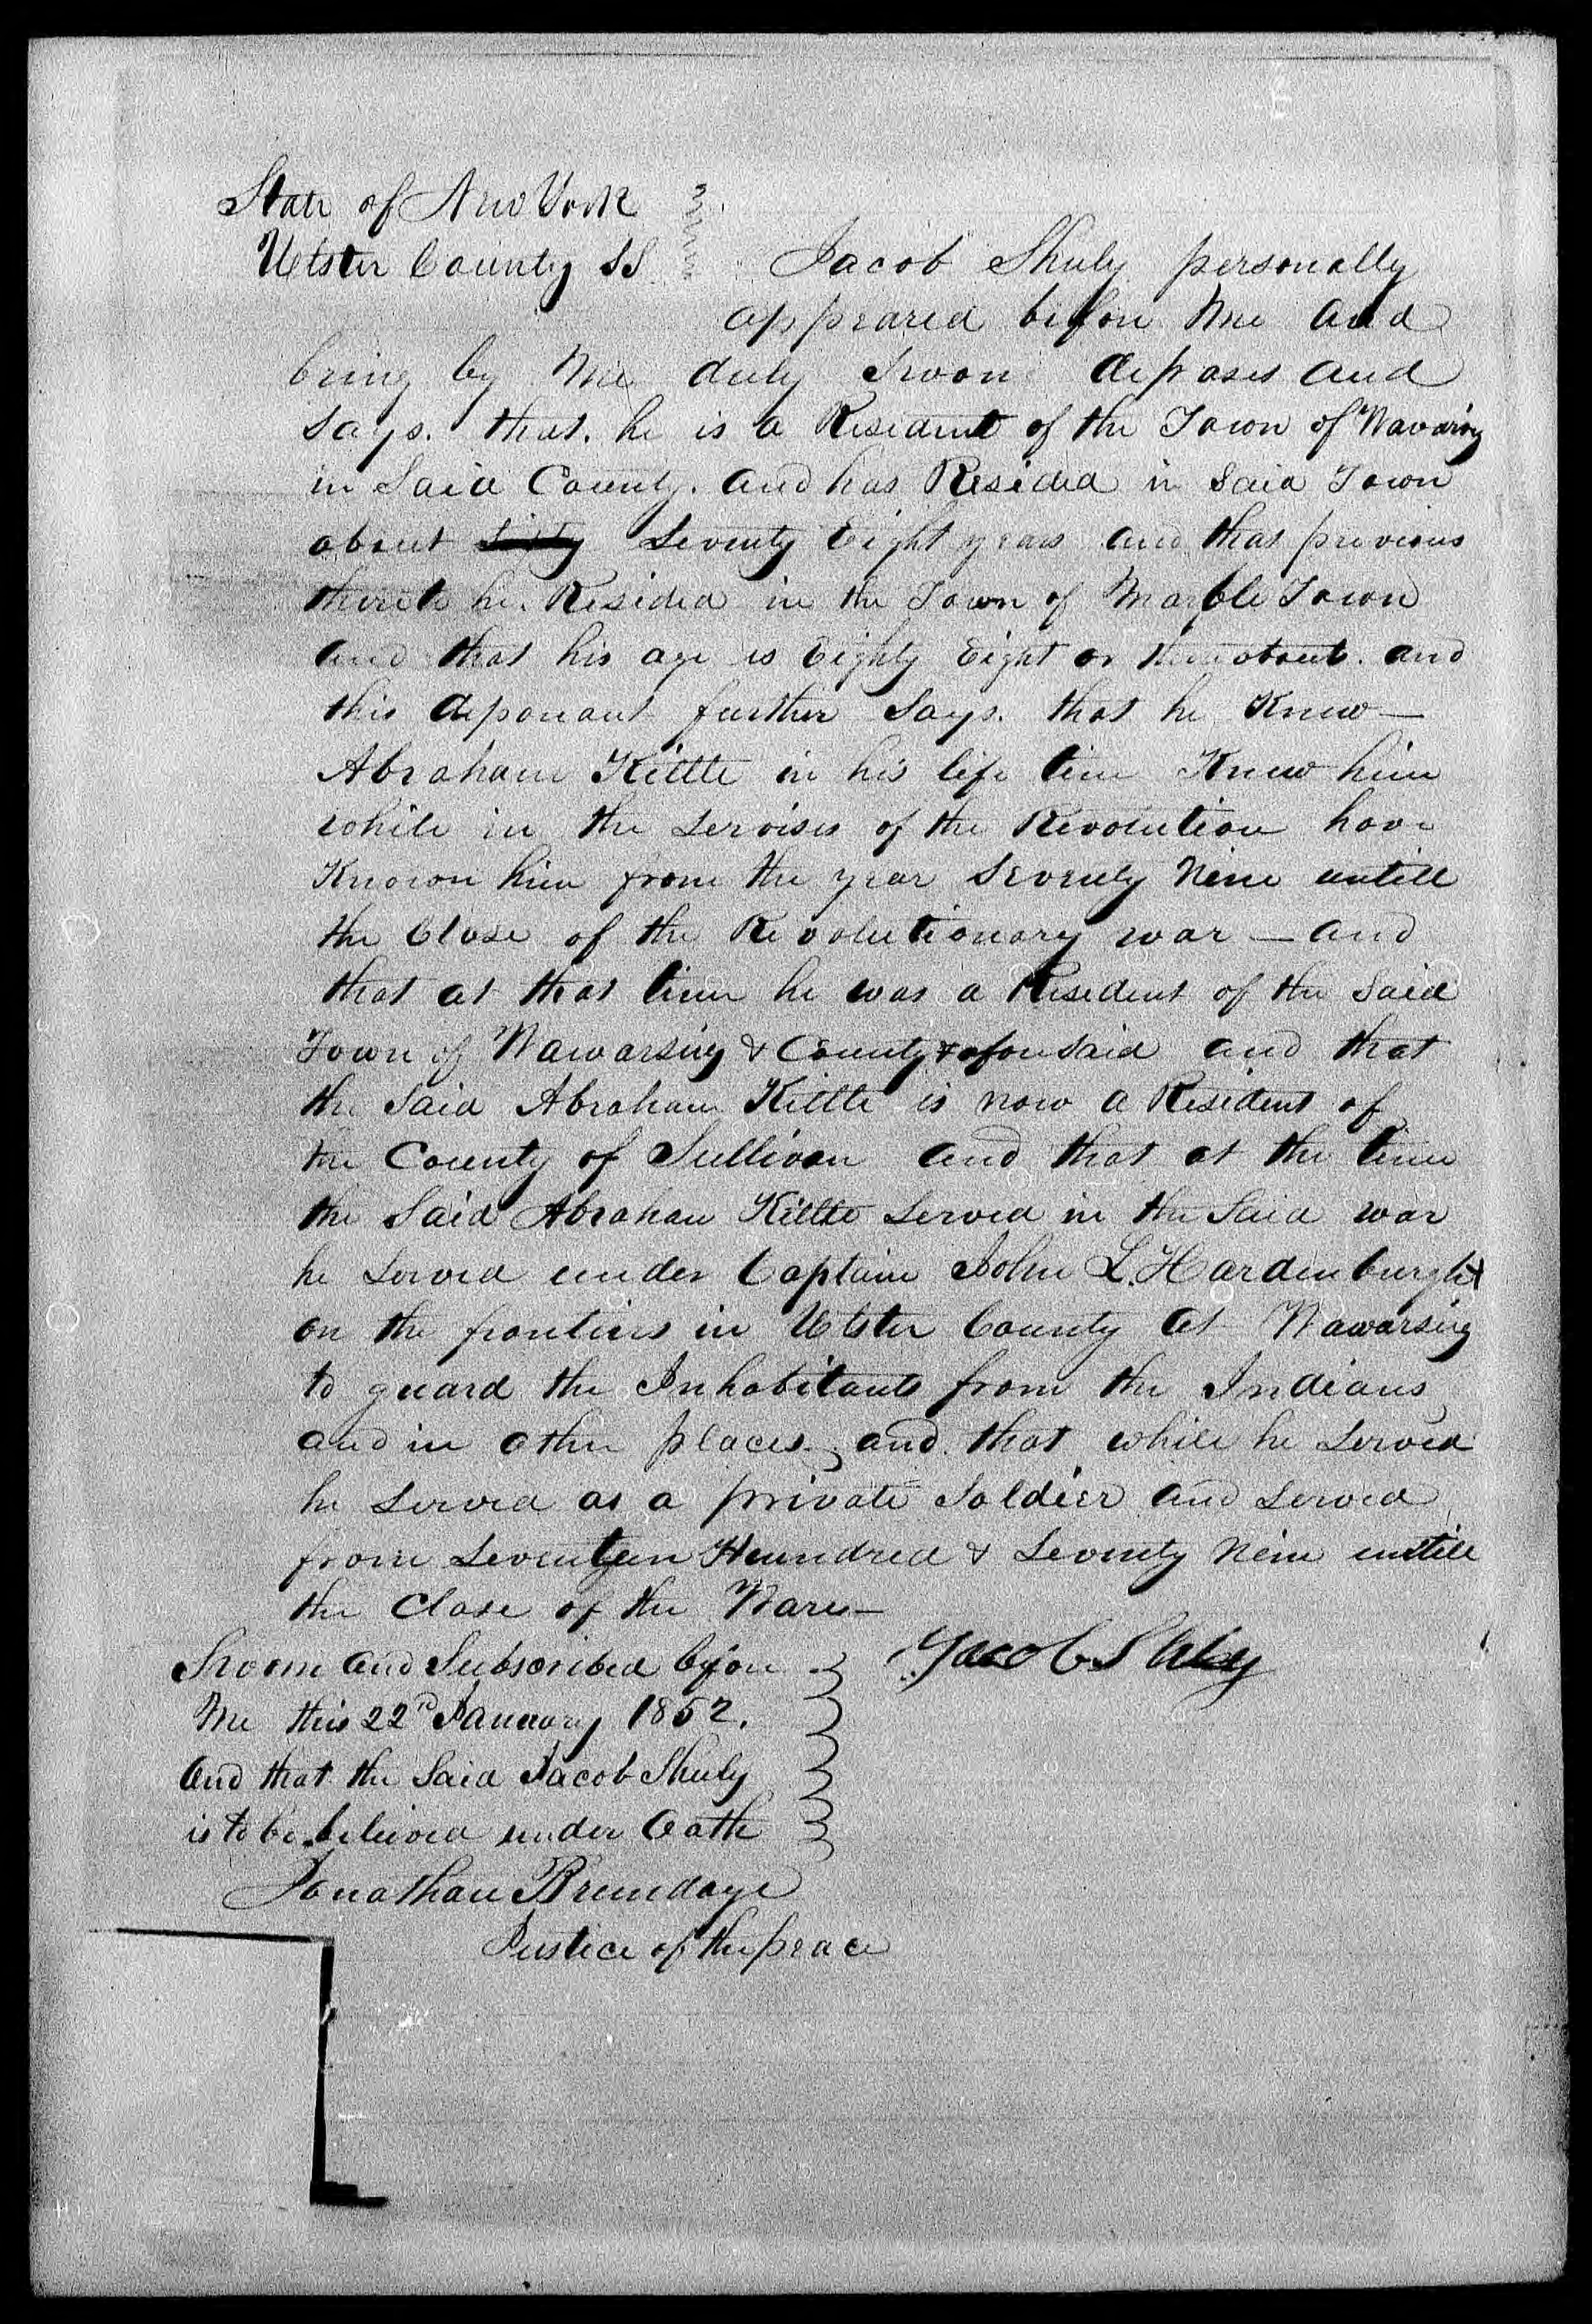State of New York Ulster County SS
 Jacob Sheely personally appeared before me and being by me duly sworn deposes and says that he is a resident of the Town of Warring in said County, and has resided in said Town about seventy Eight years and that previous thereto he resided in the Town of Marble Town and that his age is Eighty Eight or thereabout and this deponant further says that he knew Abraham Kittle in his life time knew him while in the servises of the Revolution have known him from the year seventy nine untill the close of the Revolutionary war and that at that time he was a resident of the said Town of Wawarsing & County & aforesaid and that the said Abraham Kittle is now a resident of the County of Sullivan and that at the time the said Abraham Kittle served in the said war he served under Captain John L. Hardenburgh on the frontiers in Ulster County at Wawarsing to guard the Inhabitants from the Indians and in other places, and that while he served he served as a private soldier and served from seventeen Hundred & Seventy nine untill the close of the War 
Sworn and Subscribed before me this 22nd January 1852. 
and that the said Jacob Sheely is  to be believed under Oath 
Jonathan Brundage Justice of the peace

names: Jonathan Brundage; Abraham Kittle; John L Hardenburgh; Jacob Sheely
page: 16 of 18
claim: rejected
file: R. 6002, for Abraham Kittle, New York